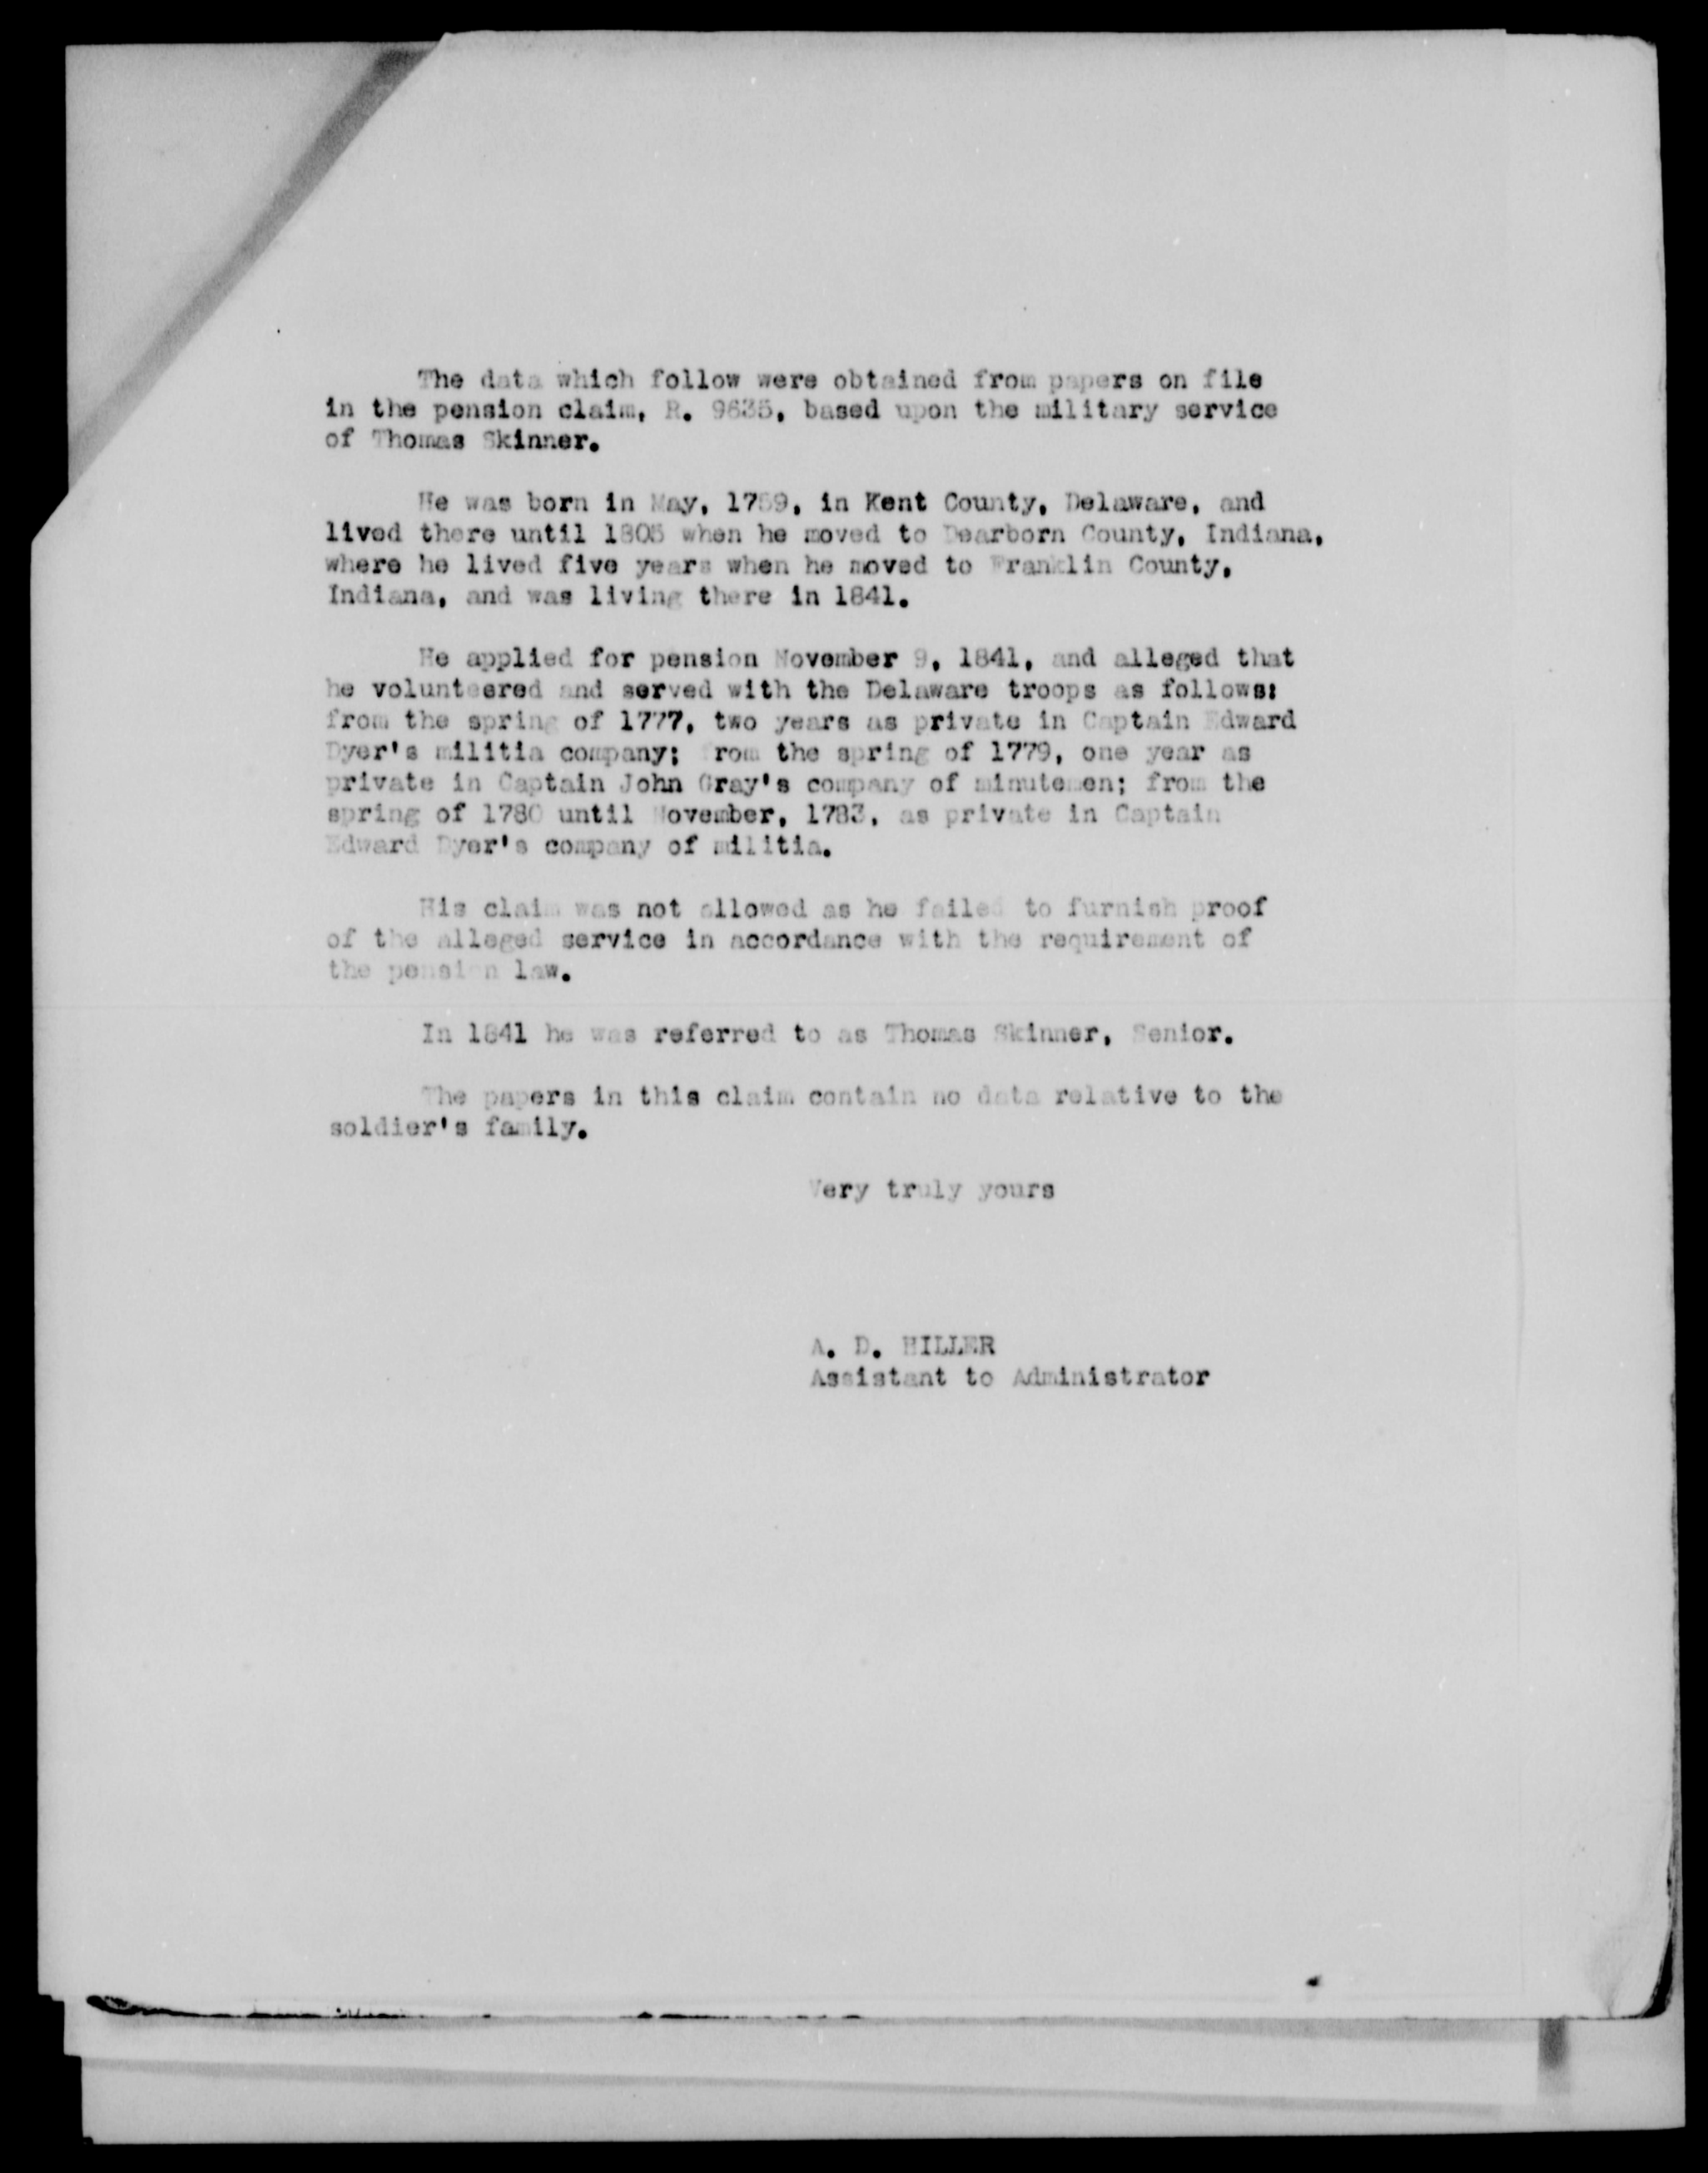The data which follow were obtained from papers on file
in the pension claim, R. 9635, based upon the military service
of Thomas Skinner.

He was born in May, 1759, in Kent County, Delaware, and
lived there until 1805 when he moved to Dearborn County, Indiana,
where he lived five years when he moved to Franklin County,
Indiana, and was living there in 1841.

He applied for pension November 9, 1841, and alleged that
he volunteered and served with the Delaware troops as follows:
from the spring of 1777, two years as private in Captain Edward
Dyer's militia company; from the spring of 1779, one year as
private in Captain John Gray's company of minutemen; from the
spring of 1780 until November, 1783, as private in Captain
Edward Dyer's company of militia.
His claim was not allowed as he failed to furnish proof
of the alleged service in accordance with the requirement of
the pension law.

In 1841 he was referred to as Thomas Skinner, Senior.

The papers in this claim contain no data relative to the
soldier's family.

Very truly yours
A. D. HILLER
Assistant to Administrator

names: Thomas Skinner; Thomas Skinner; A D Hiller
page: 30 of 33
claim: rejected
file: R. 9635, for Thomas Skinner, Delaware